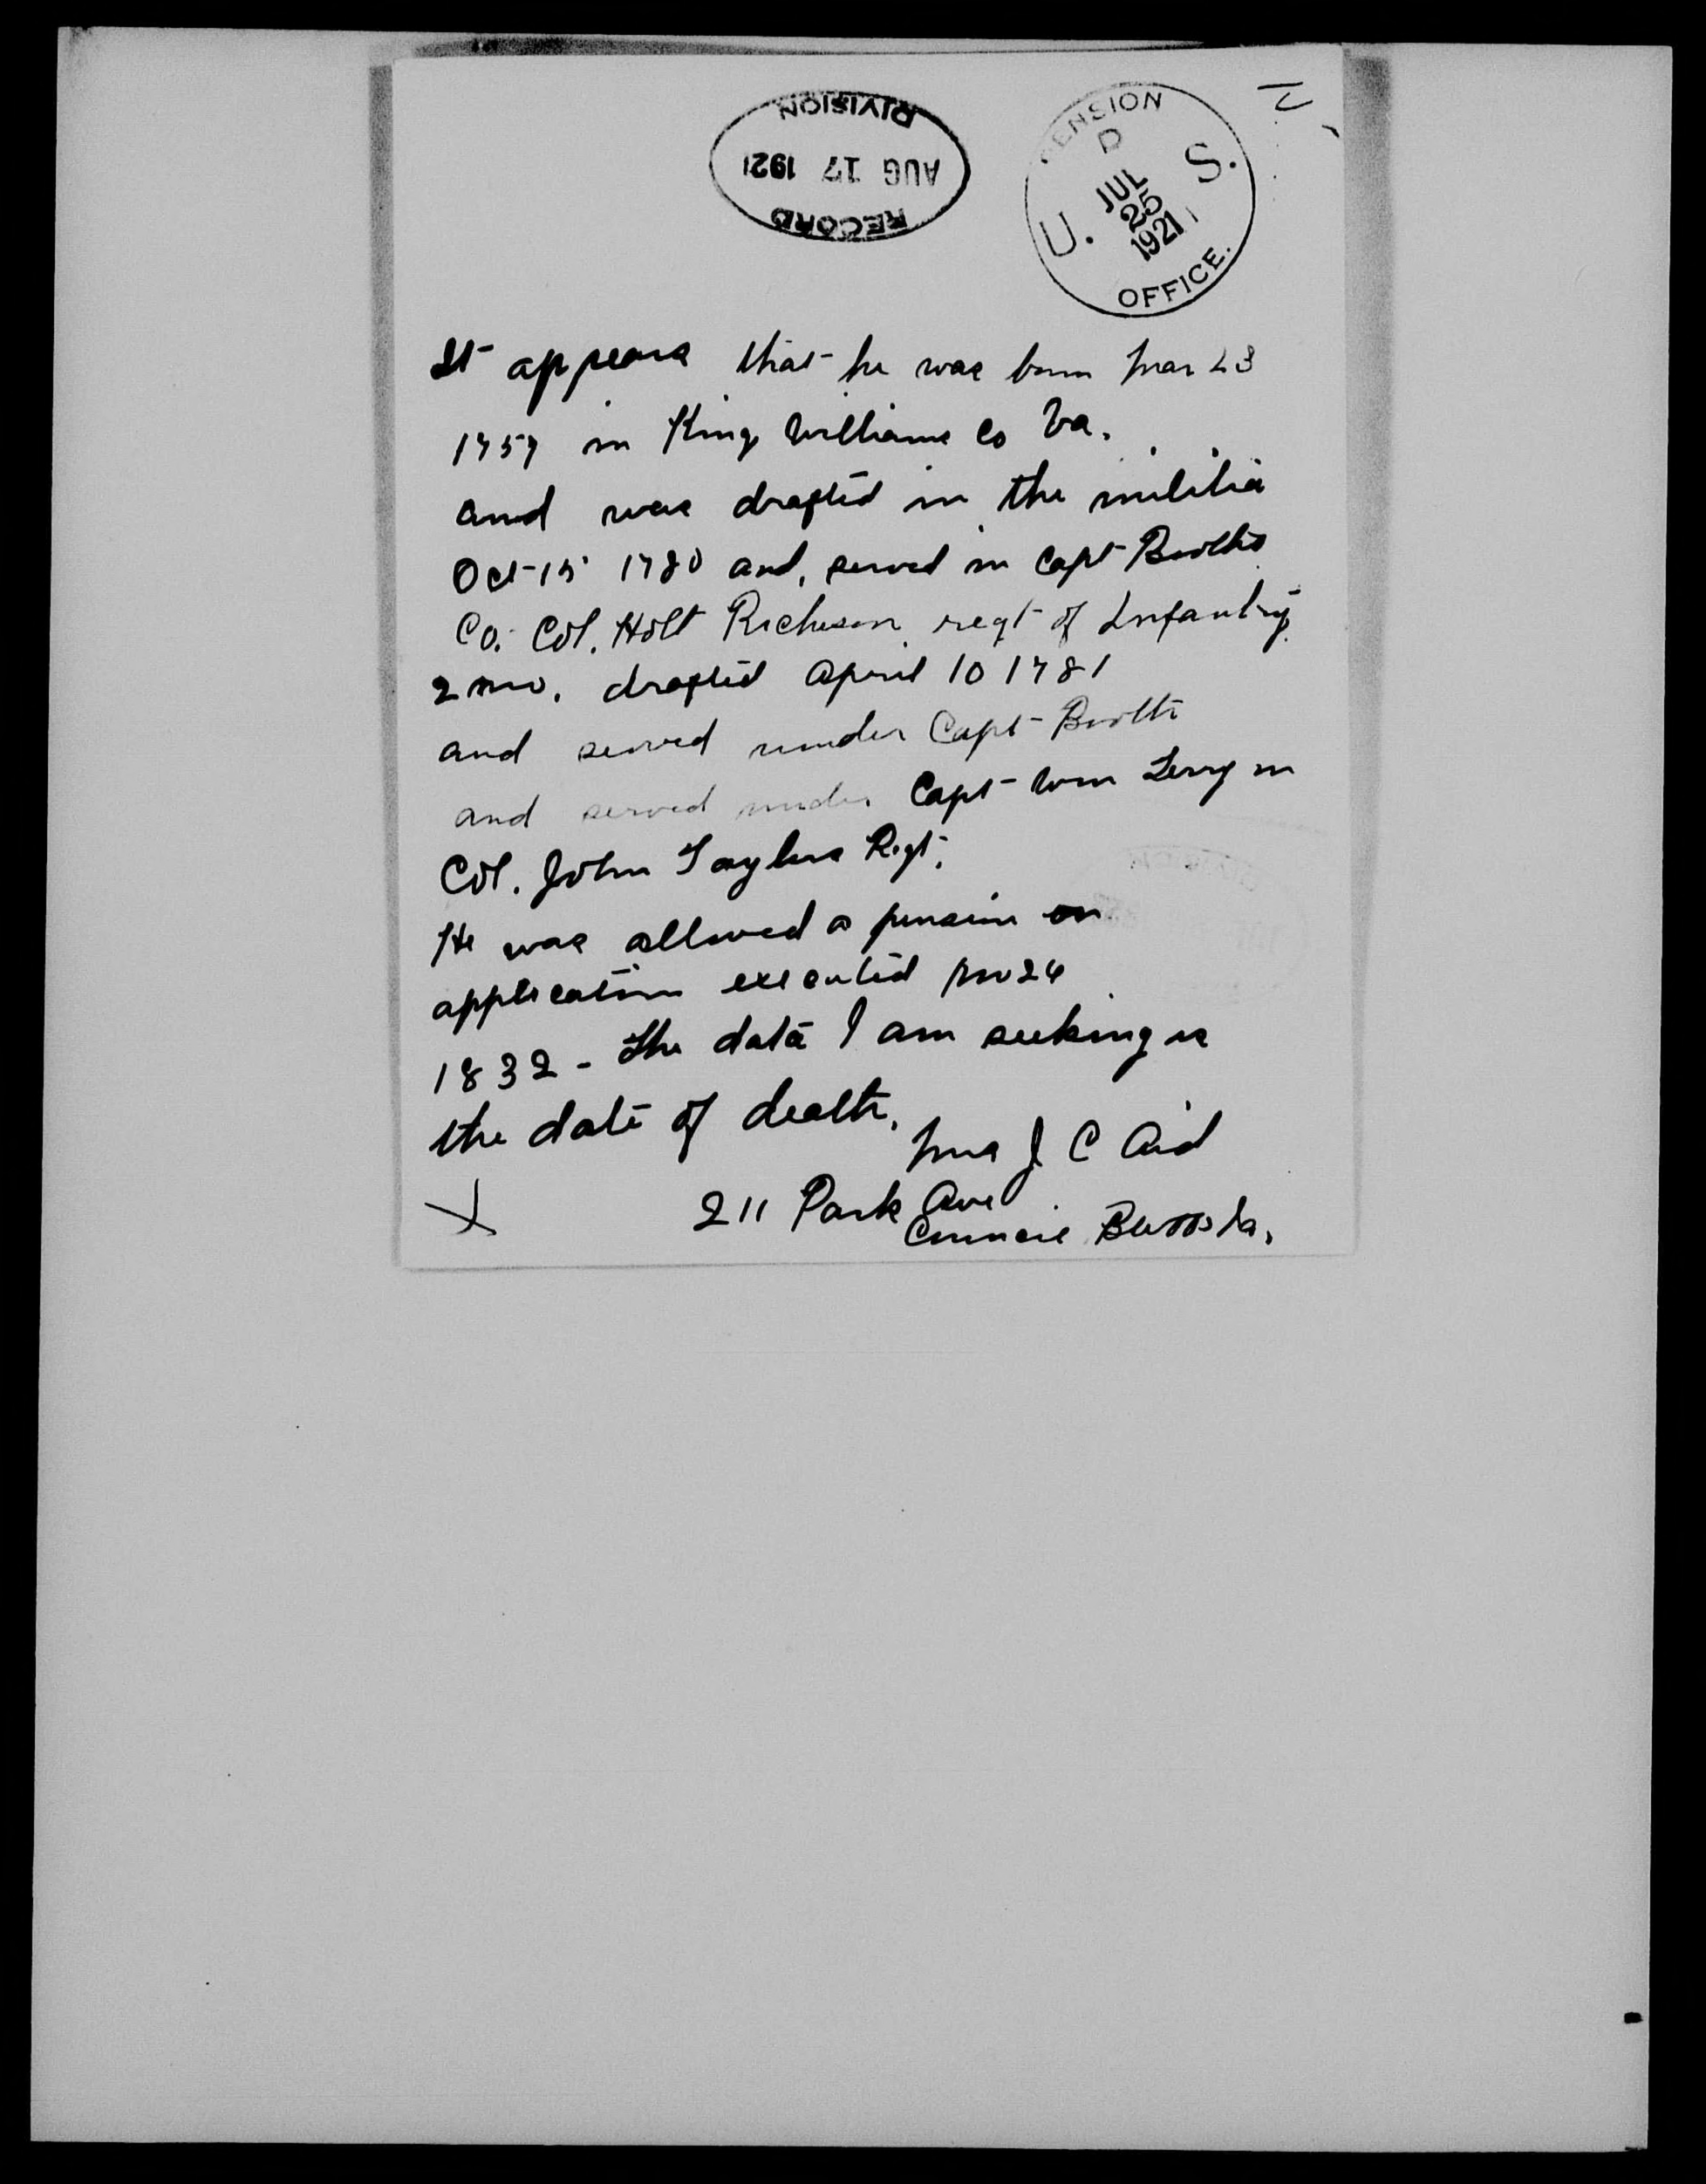[two stamps at top]
[oval stamp]
RECORD DIVISION Aug 17 1921
[round stamp]
PENSION OFFICE U.S.A.
Jul 25 1921

It appears that he was born Mar 23 1759 in King Williams Co Va. and was drafted in the militia Oct 15 1780 and served in Capt Booths Co. Col Holt Richeson regt of Infantry. 2 mo drafted April 10 1781 and served under Capt Booth and served under Capt Wm Terry in Col. John Tayler's Regt. 
He was allowed a pension on application executed Nov 26 1832. The date I am seeking is the date of death. 
Mrs. J. C. Aid
211 Park Ave
Council Bluffs Ia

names: Holt Richeson; [BLANK] Booth; Wm Terry; J C Aid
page: 32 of 34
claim: survivor's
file: S. 19483, for John Taliaferro, Virginia